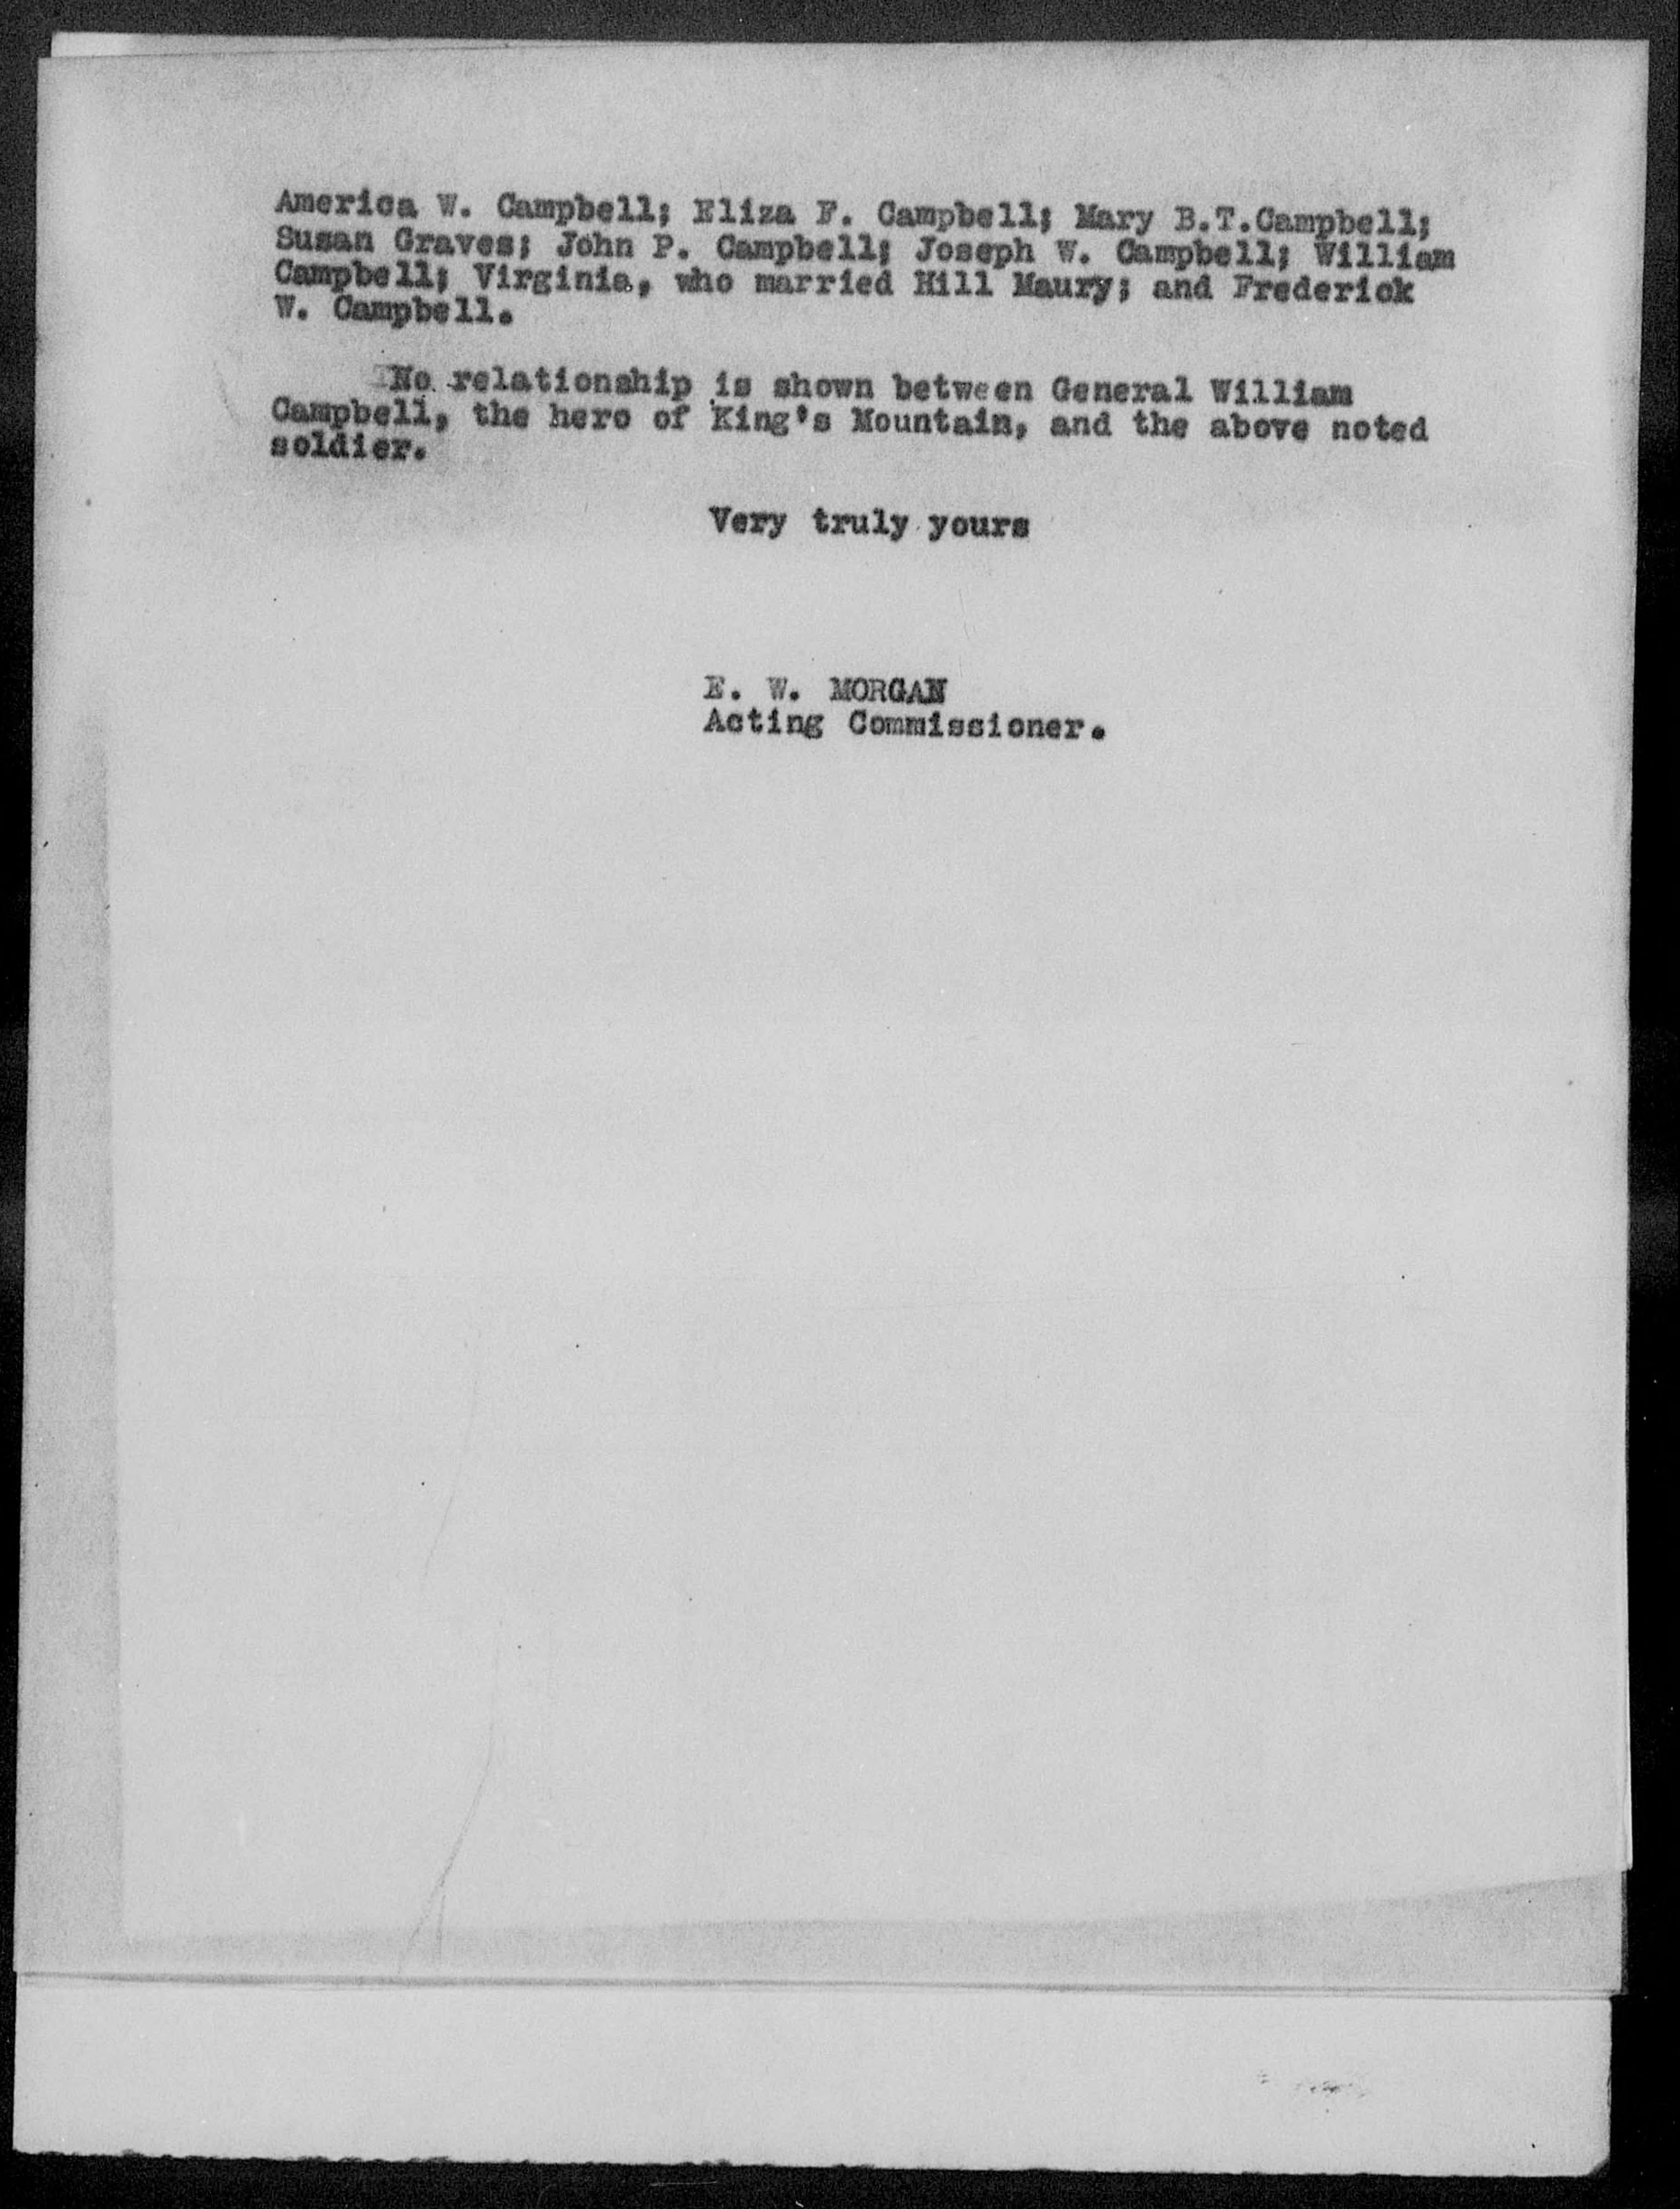America W. Campbell; Eliza F. Campbell; Mary B. T. Campbell; Susan Graves; John P. Campbell; Joseph W. Campbell; William Campbell; Virginia, who married Hill Maury, and Frederick W. Campbell.
No relationship is shown between General William Campbell, the hero of King's Mountain, and the above noted soldier.
Very truly yours
E. W. MORGAN
Acting Commissioner.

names: Mary B T Campbell, America W Campbell, Joseph W Campbell, Frederick W Campbell, William Campbell, Hill Maury, E W Morgan, Susan Graves, William Campbell, John P Campbell, Eliza F Campbell, Virginia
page: 262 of 267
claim: widow's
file: W. 4,149, William Campbell, Va.